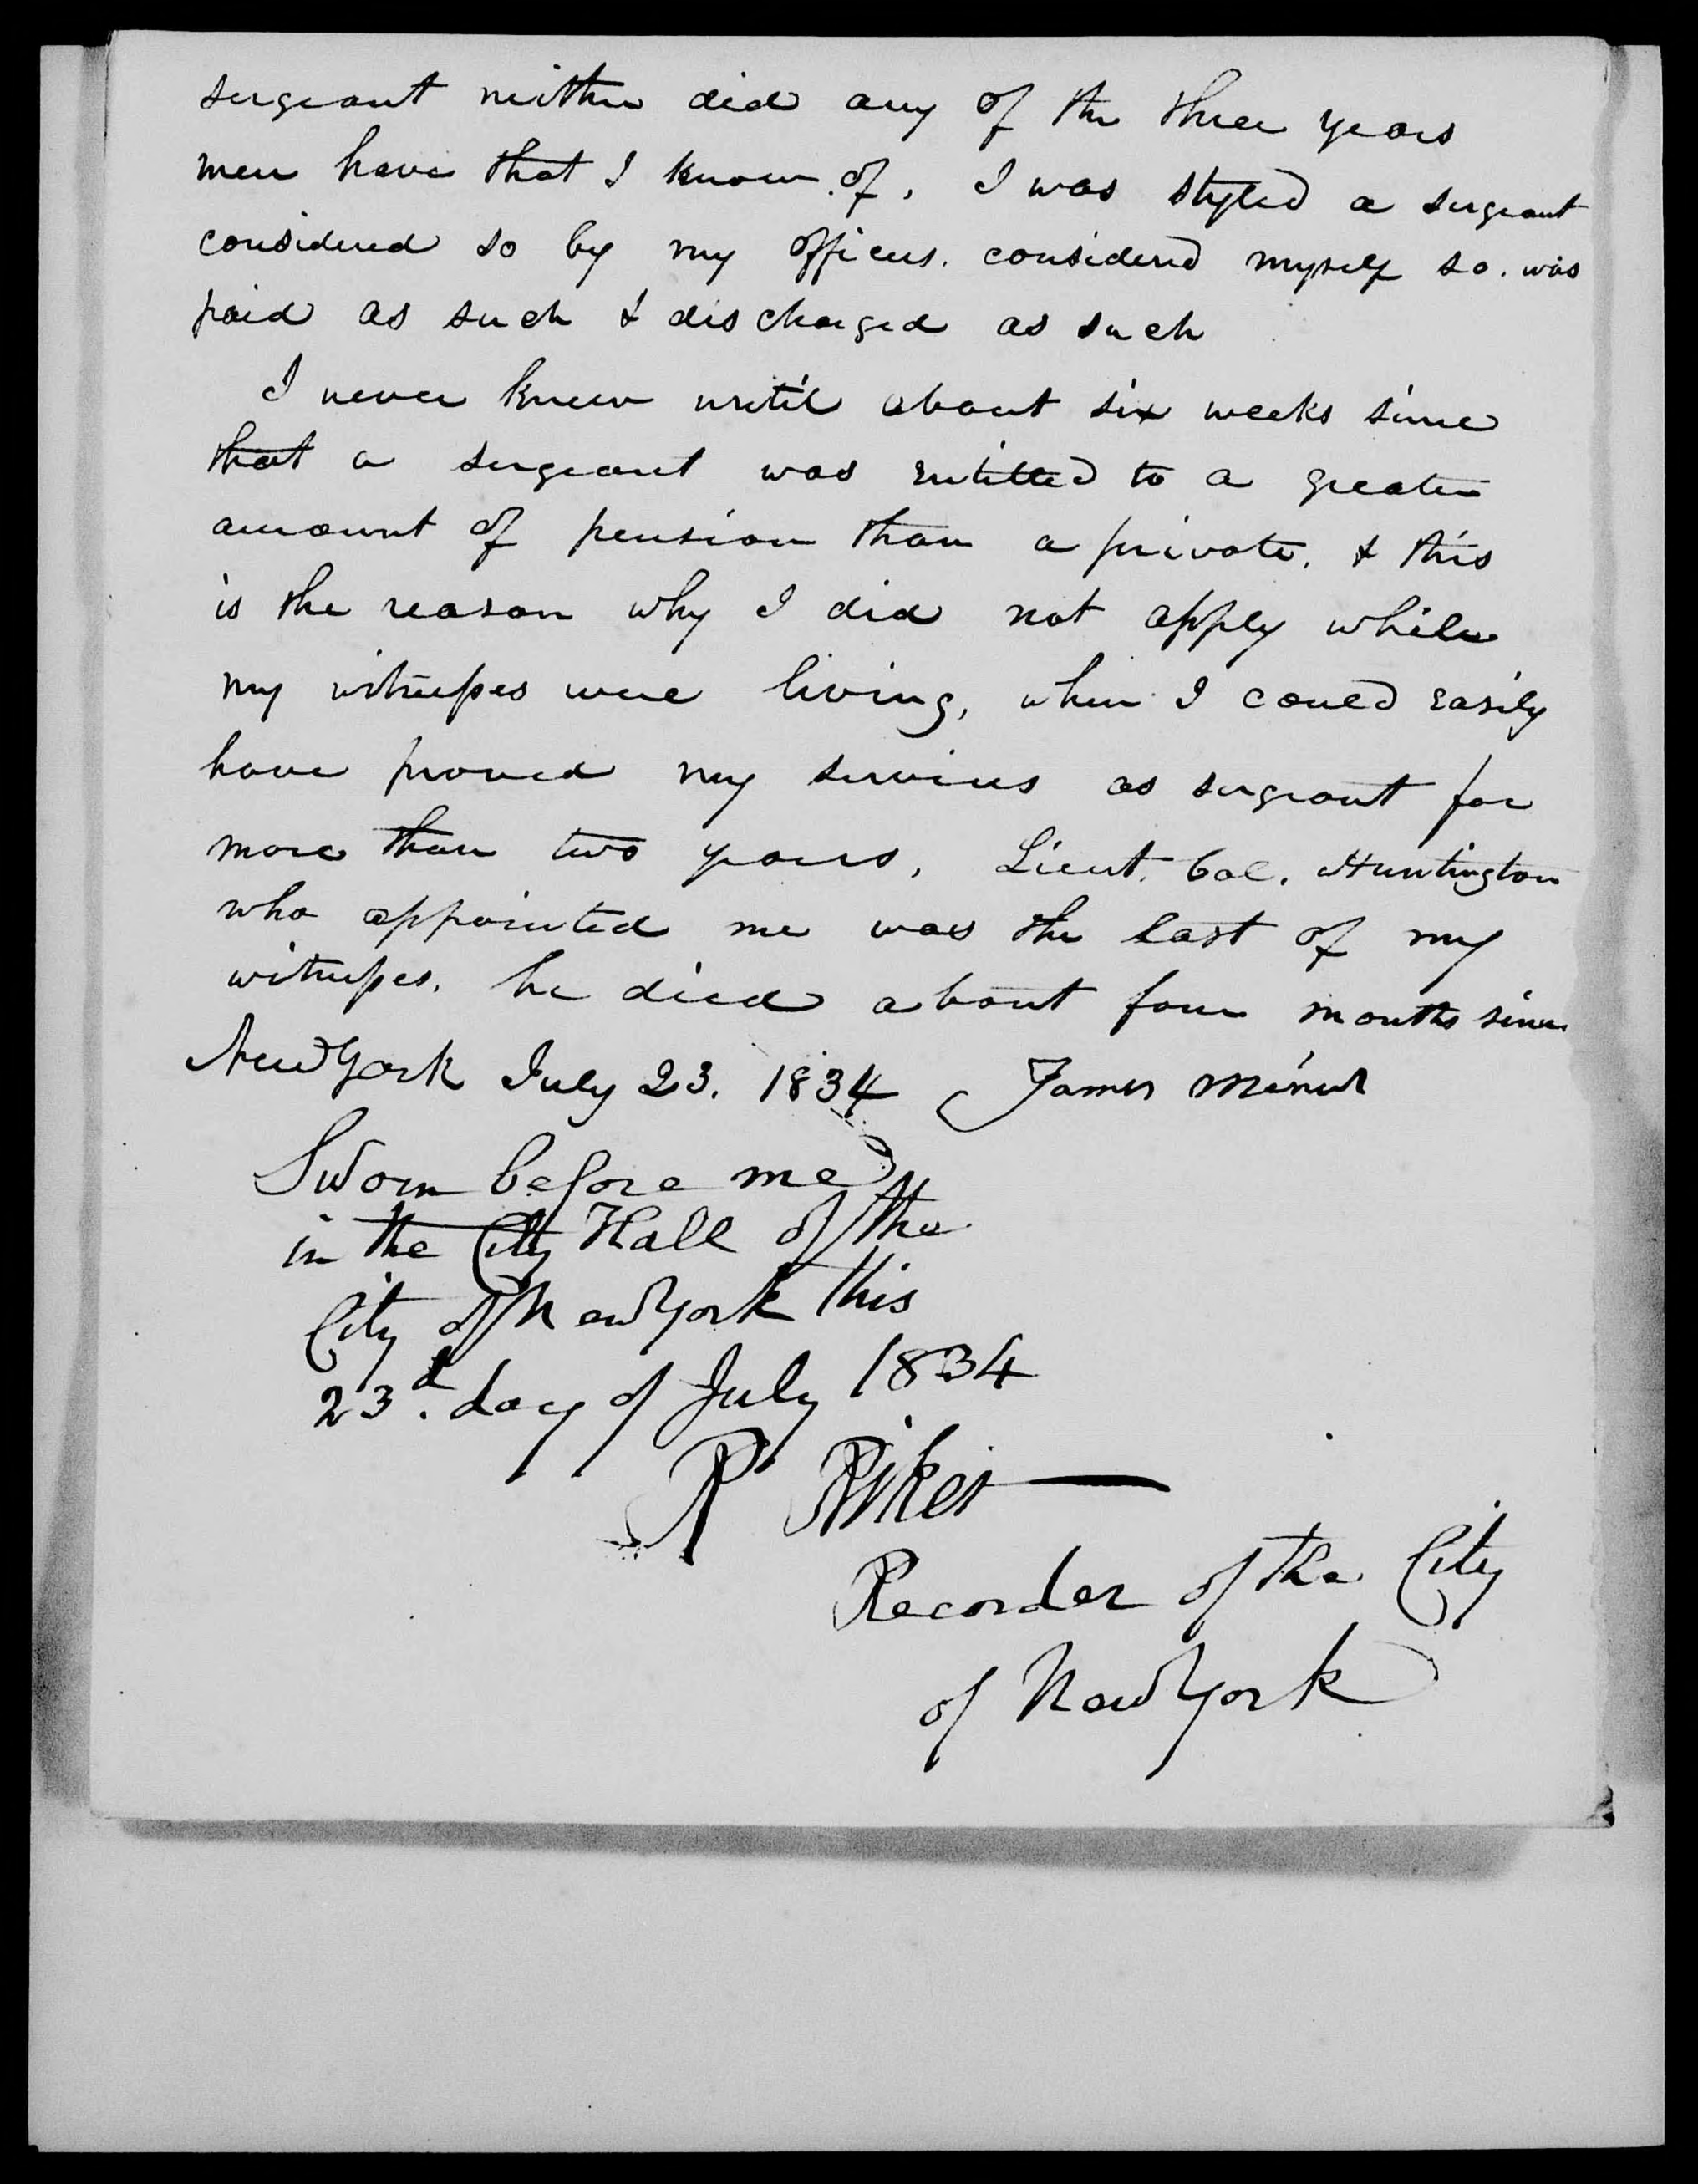Sergeant neither did any of the three years men have that I know of. I was styled a Sergeant considered so by my officers, considered myself so, was paid as such & discharged as such 

I never knew until about six weeks since that a Sergeant was entitled to a greater amount of pension than a private, & this is the reason why I did not apply while my witnesses were living, when I could easily have proved my services as Sergeant for more than two years. Lieut. Col. Huntington who appointed me was the last of my witnesses, he died about four months since. 

New York July 23, 1834 James Miner 

Sworn before me 
in the City Hall of the 
City New York this 
23d day of July 1834 
R Riker 
Recorder of the City 
of New York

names: [BLANK] Huntington; James Miner; R Riker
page: 9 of 39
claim: survivor's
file: S. 23802, for James Miner, Connecticut